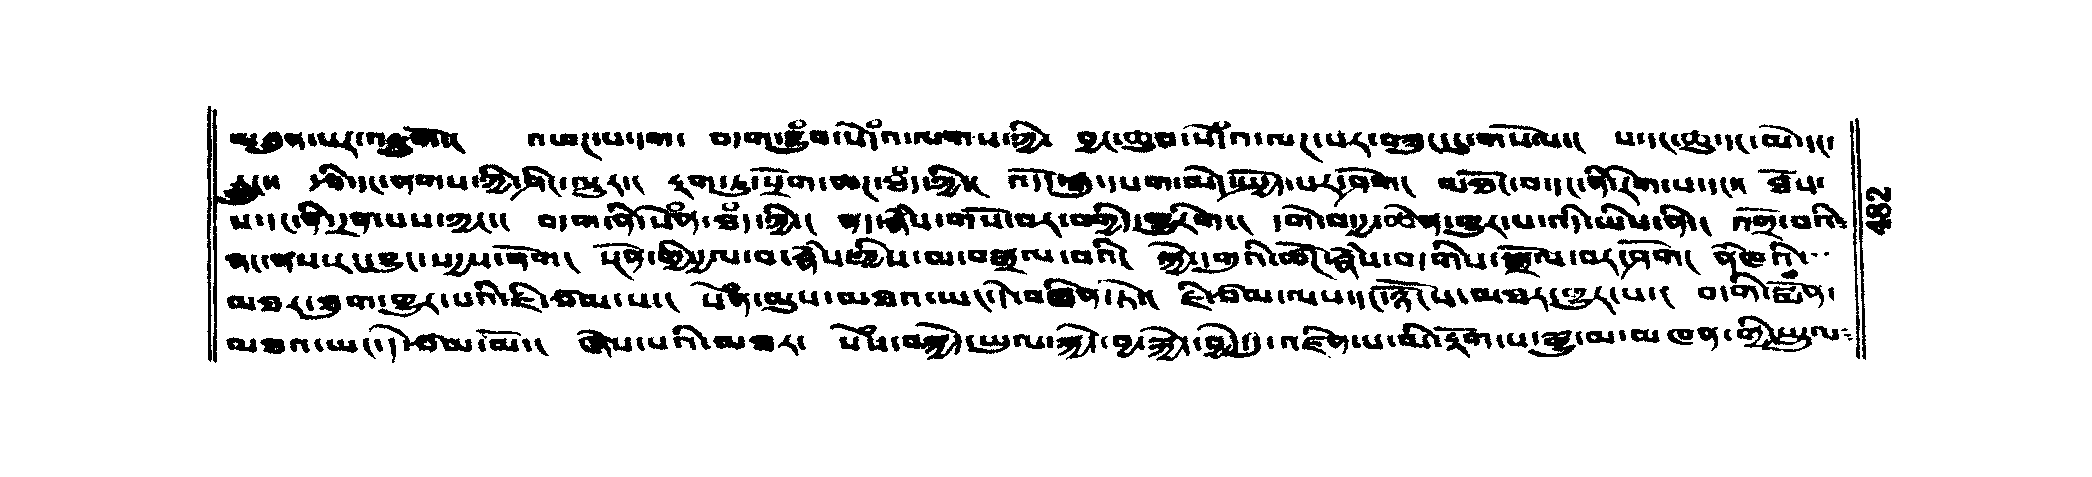མཐུན་པར་འཇུག་གོ་འཕགས་པ་དག་བདག་བྱང་ཆུབ་སེམས་དཔའ་ལགས་ཀྱི། བྱང་ཆུབ་སེམས་དཔའ་ལགས་པར་བཟུང་དུ་གསོལ།ས་དང་ཆུ་དང་མེ་དང་
རླུང་རྩི་དང་ནགས་ཀྱི་ཤིང་ལྟ་བུར། རྟག་ཏུ་སྲོགཆགས་ཐམས་ཅད་ཀྱི། འདོད་རྒུ་དཔག་མེད་སྤྱོད་པར་ཤོག་།མཐོང་བ་དང་ནི་རིག་པ་དང་། །ཐོས་
པ་དང་ནི་དྲན་པས་ཀྱང་། །བདག་ནི་སེམས་ཅན་ཐམས་ཅད་ཀྱི། །ནད་རྣམས་གསོ་བར་བགྱིད་གྱུར་ཅིག་།དགེ་བ་རྒྱ་ཆེན་གྱུར་པ་འདི་ཡིས་ནི། །འགྲོ་བའི་
ནང་ནས་རང་བྱུང་སངས་རྒྱས་ཤོག་སྔོན་གྱི་རྒྱལ་བ་རྣམས་ཀྱིས་མ་བསྒྲལ་བའི། །སྐྱེ་དགུའི་ཚོགས་རྣམས་བདག་གིས་སྒྲོལ་བར་ཤོག་།ནམ་མཁའི་
མཐར་ཐུག་གྱུར་པའི་ཇི་ཙམ་པ། །སེམས་ཅན་མ་ལུས་མཐའ་ཡང་དེ་བཞིན་་ཏེ། །ཇི་ཙམ་ལས་དང་ཉོན་མོངས་མཐར་གྱུར་པ། །བདག་གི་སྨོན་
ལམ་མཐའ་ཡང་དེ་ཙམ་མོ། །ཞེས་པའི་མཐར། སེམས་བསྐྱེད་ཡུལ་སྐྱེད་བྱ་སྐྱེད་བྱེད་དུ་འཛིན་པ་མི་རྟོག་པ་སྒྱུ་མ་མཁན་གྱི་སྤྲུལ་